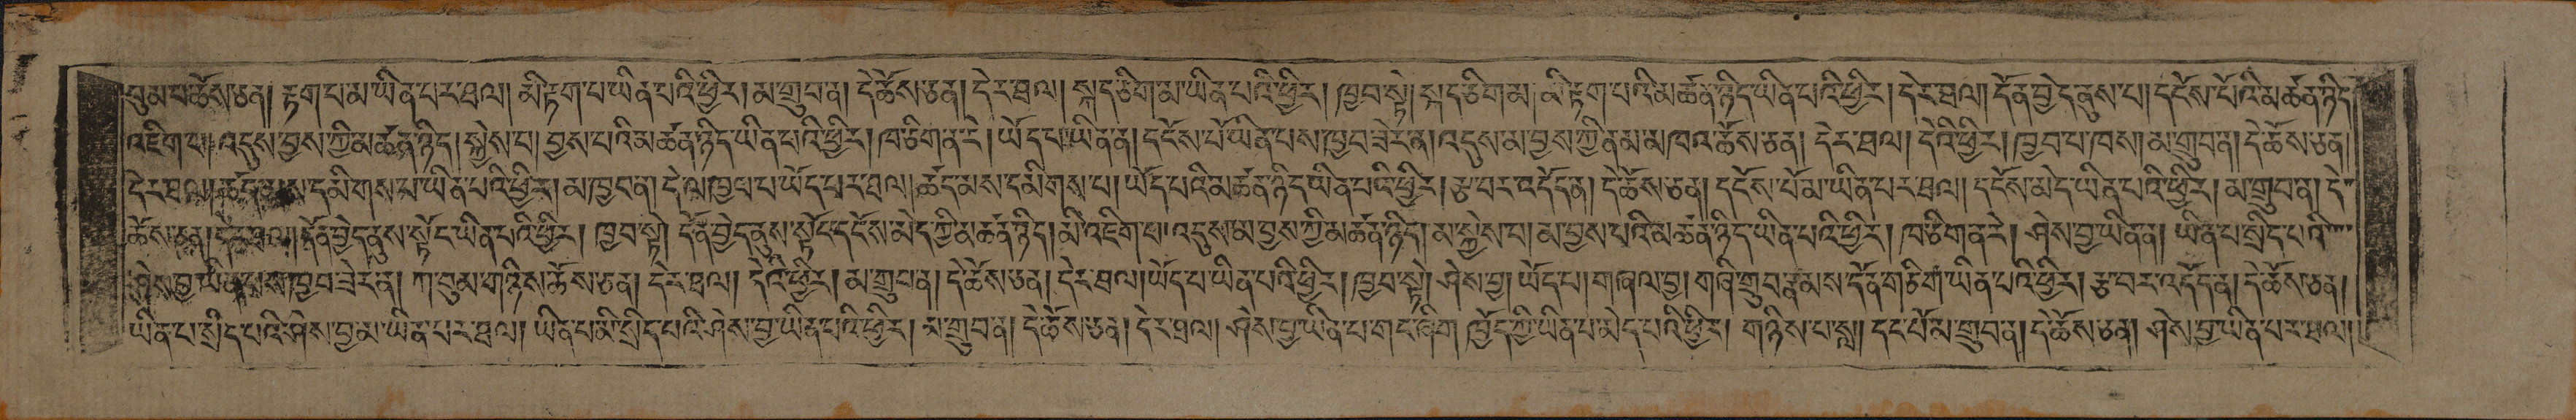བུམ་པ་ཆོས་ཅན། རྟག་པ་མ་ཡིན་པར་ཐལ། མི་རྟག་པ་ཡིན་པའི་ཕྱིར། མ་གྲུབ་ན། དེ་ཆོས་ཅན། དེར་ཐལ། སྐད་ཅིག་མ་ཡིན་པའི་ཕྱིར། ཁྱབ་སྟེ། སྐད་ཅིག་མ། མི་རྟག་པའི་མཚན་ཉིད་ཡིན་པའི་ཕྱིར། དེར་ཐལ། དོན་བྱེད་ནུས་པ། དངོས་པོའི་མཚན་ཉིད་
འཇིག་པ། འདུས་བྱས་ཀྱི་མཚན་ཉིད། སྐྱེས་པ། བྱས་པའི་མཚན་ཉིད་ཡིན་པའི་ཕྱིར། ཁ་ཅིག་ན་རེ། ཡོད་པ་ཡིན་ན། དངོས་པོ་ཡིན་པས་ཁྱབ་ཟེར་ན། འདུས་མ་བྱས་ཀྱི་ནམ་མཁའ་ཆོས་ཅན། དེར་ཐལ། དེའི་ཕྱིར། ཁྱབ་པ་ཁས། མ་གྲུབ་ན། དེ་ཆོས་ཅན།
དེར་ཐལ། ཚད་མས་དམིགས་པ་ཡིན་པའི་ཕྱིར། མ་ཁྱབ་ན། དེ་ལ་ཁྱབ་པ་ཡོད་པར་ཐལ། ཚད་མས་དམིགས་པ། ཡོད་པའི་མཚན་ཉིད་ཡིན་པའི་ཕྱིར། རྩ་བར་འདོད་ན། དེ་ཆོས་ཅན། དངོས་པོ་མ་ཡིན་པར་ཐལ། དངོས་མེད་ཡིན་པའི་ཕྱིར། མ་གྲུབ་ན། དེ་
ཆོས་ཅན། དེར་ཐལ། དོན་བྱེད་ནུས་སྟོང་ཡིན་པའི་ཕྱིར། ཁྱབ་སྟེ། དོན་བྱེད་ནུས་སྟོང་དངོས་མེད་ཀྱི་མཚན་ཉིད། མི་འཇིག་པ་འདུས་མ་བྱས་ཀྱི་མཚན་ཉིད། མ་སྐྱེས་པ། མ་བྱས་པའི་མཚན་ཉིད་ཡིན་པའི་ཕྱིར། ཁ་ཅིག་ན་རེ། ཤེས་བྱ་ཡིན་ན། ཡིན་པ་སྲིད་པའི་
ཤེས་བྱ་ཡིན་པས་ཁྱབ་ཟེར་ན། ཀ་བུམ་གཉིས་ཆོས་ཅན། དེར་ཐལ། དེའི་ཕྱིར། མ་གྲུབ་ན། དེ་ཆོས་ཅན། དེར་ཐལ། ཡོད་པ་ཡིན་པའི་ཕྱིར། ཁྱབ་སྟེ། ཤེས་བྱ། ཡོད་པ། གཞལ་བྱ། གཞི་གྲུབ་རྣམས་དོན་གཅིག་ཡིན་པའི་ཕྱིར། རྩ་བར་འདོད་ན། དེ་ཆོས་ཅན།
ཡིན་པ་སྲིད་པའི་ཤེས་བྱ་མ་ཡིན་པར་ཐལ། ཡིན་པ་མི་སྲིད་པའི་ཤེས་བྱ་ཡིན་པའི་ཕྱིར། མ་གྲུབ་ན། དེ་ཆོས་ཅན། དེར་ཐལ། ཤེས་བྱ་ཡིན་པ་གང་ཞིག་ཁྱོད་ཀྱི་ཡིན་པ་མེད་པའི་ཕྱིར། གཉིས་པ་སླ། དང་པོ་མ་གྲུབ་ན། དེ་ཆོས་ཅན། ཤེས་བྱ་ཡིན་པར་ཐལ།